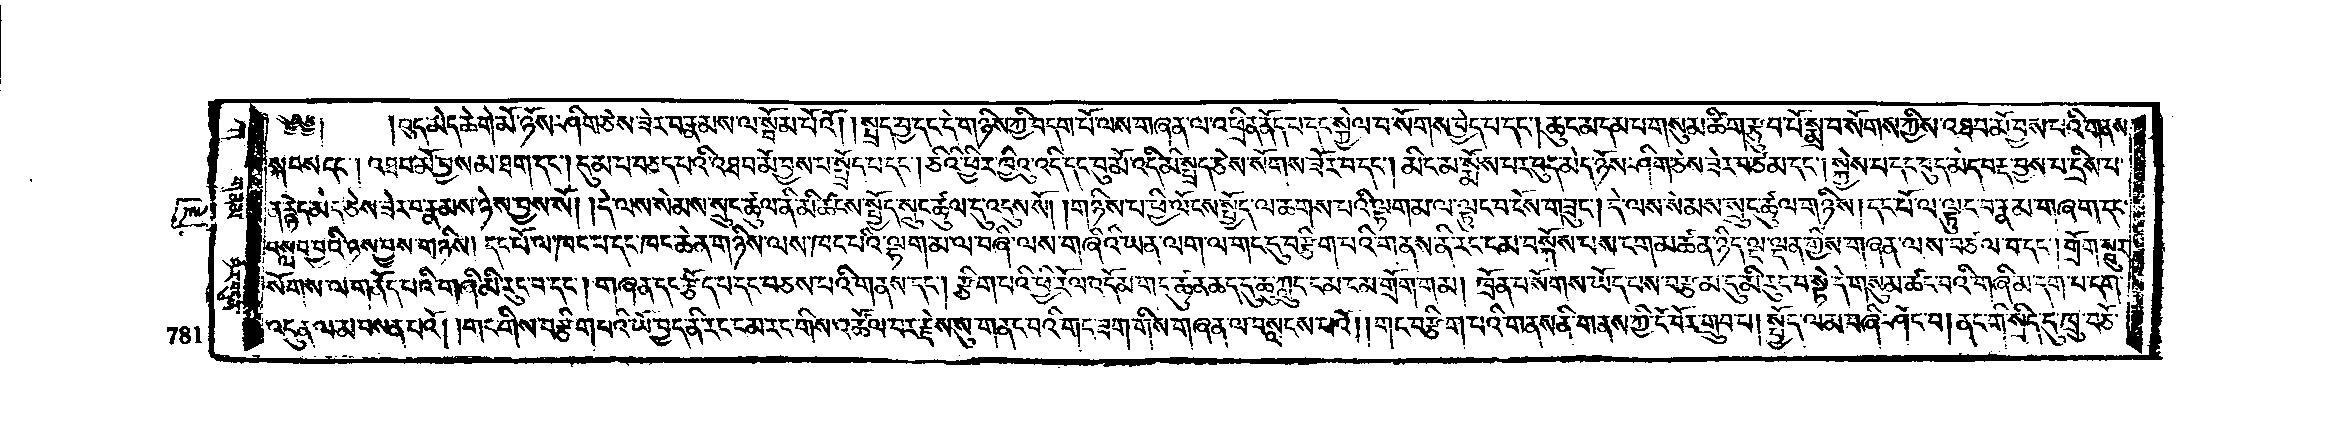༄༅། །བུད་མེད་ཆེ་གེ་མོ་ཉོས་ཤིག་ཅེས་ཟེར་བ་རྣམས་ལ་སྦོམ་པོའོ། །སྤྲད་བྱ་དང་དེ་གཉིས་ཀྱི་བདག་པོ་ལས་གཞན་ལ་འཕྲིན་ནོད་པ་དང་སྐྱེལ་བ་སོགས་བྱེད་པ་དང་། ཆུང་མ་དམ་པ་གསུམ་ཚིག་རྩུབ་པོ་སྨྲ་བ་སོགས་ཀྱིས་འཐབ་མོ་བྱས་པའི་གནས་
སྐབས་དང་། འཐབ་མོ་བྱས་མ་ཐག་དང་། དུམ་པ་བཅད་པའི་འཐབ་མོ་བྱས་པ་སྤྲོད་པ་དང་། ཅིའི་ཕྱིར་ཁྱིའུ་འདི་དང་བུ་མོ་འདི་མི་སྤྲད་ཅེས་སོགས་ཟོར་བ་དང་། མིང་མ་སྨོས་པར་བུད་མེད་ཉོས་ཤིག་ཅེས་ཟེར་བ་ཙམ་དང་། སྐྱེས་པ་དང་བུད་མེད་བརྡ་བྱས་པ་དྲིས་པ་
ན་རྙེད་མེད་ཅེས་ཟེར་བ་རྣམས་ཉེས་བྱས་སོ། །དེ་ལས་སེམས་སྲུང་ཚུལ་ནི་མི་ཚངས་སྤྱོད་སྲུང་ཚུལ་དུ་འདུས་སོ། །གཉིས་པ་ཕྱི་ལོངས་སྤྱོད་ལ་ཆགས་པའི་ལྷག་མ་ལ་ལྟུང་བ་ངོས་གཟུང་། དེ་ལས་སེམས་སྲུང་ཚུལ་གཉིས། དང་པོ་ལ་ལྟུང་བ་རྣམ་གཞག་དང་
བསླབ་བྱའི་ཉས་བྱས་གཉིས། དང་པོ་ལ་ཁང་པ་དང་ཁང་ཆེན་གཉིས་ལས་ཁང་པའི་ལྷག་མ་ལ་བཞི་ལས་གཞིའི་ཡན་ལག་ལ་གང་དུ་བརྩིག་པའི་གནས་ནི་རང་ངམ་བསྐོས་པས་ངག་མཚན་ཉིད་ལྔ་ལྡན་གྱིས་གཞན་ལས་བཙལ་བ་དང་། གྲོག་སྤུར་
སོགས་ལ་གནོད་པའི་གཞི་མི་རུང་བ་དང་། གཞན་དང་རྩོད་པ་དང་བཅས་པའི་གནས་དང་། རྩིག་པའི་ཕྱི་རོལ་འདོམ་གང་ཚུན་ཆད་དུ་ཆུ་ཀླུང་ངམ་ངམ་གྲོག་གམ། ཁྲོན་པ་སོགས་ཡོད་པས་བརྩམ་དུ་མི་རུང་བ་སྟེ་དེ་གསུམ་ཚང་བའི་གཞི་མ་དག་པ་དག་
འདུན་ལ་མ་བསན་པའོ། །གང་གིས་བརྩིག་པའི་ཡོ་བྱད་ནི་རང་དམ་རང་གིས་འཚོལ་བར་རྗེས་སུ་གནང་བའི་གང་ཟག་གིས་གཞན་ལ་བསླངས་པའོ། །གང་བརྩིག་པའི་གནས་ནི་གནས་ཀྱི་ངོ་བོར་གྲུབ་པ། སྤྱོད་ལམ་བཞི་ཤོང་བ། ནང་གི་སྲིད་དུ་ཁྲུ་བཅོ་